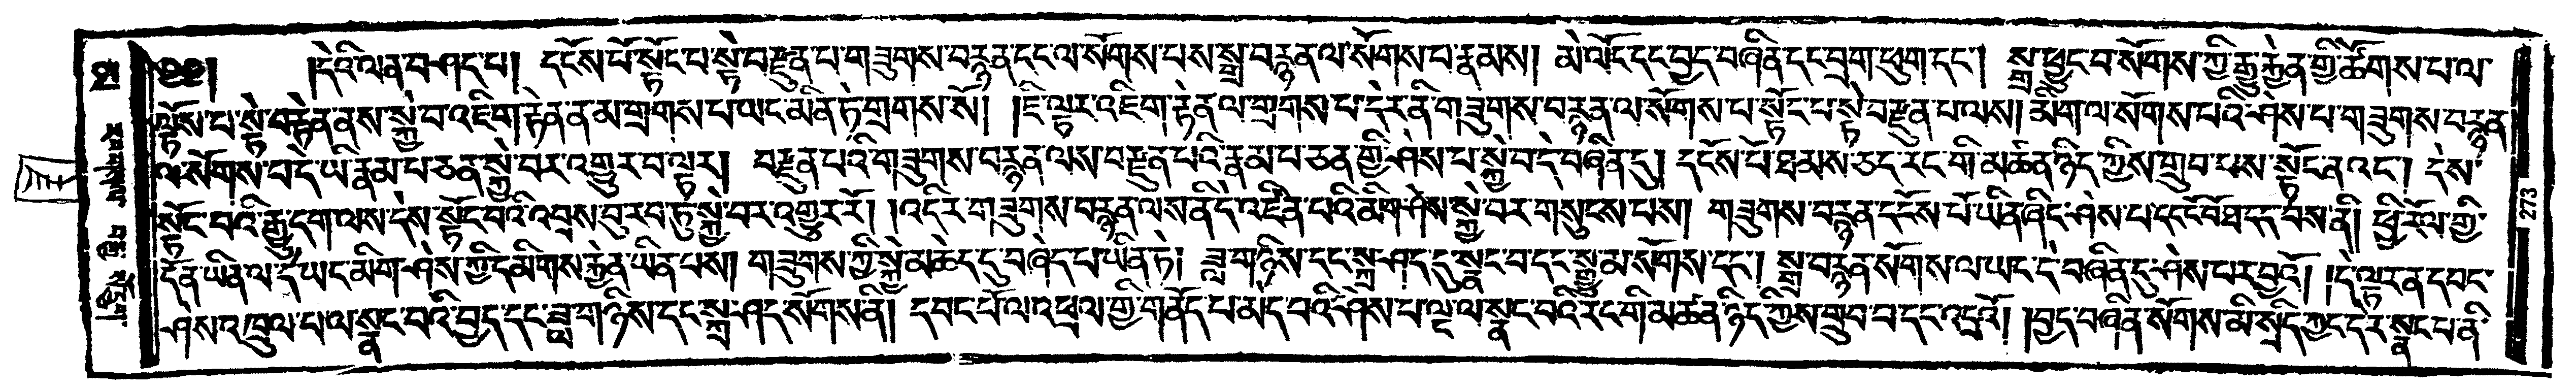༄༅། །དེའི་ལན་བཤད་པ། དངོས་པོ་སྟོང་པ་སྟེ་བརྫུན་པ་གཟུགས་བརྙན་དང་ལ་སོགས་པས་སྒྲ་བརྙན་ལ་སོགས་པ་རྣམས། མེ་ལོང་དང་བྱད་བཞིན་དང་བྲག་ཕུག་དང་། སྒྲ་ཕྱུང་བ་སོགས་ཀྱི་རྒྱུ་རྐྱེན་གྱི་ཚོགས་པ་ལ་
ལྟོས་པ་སྟེ་བརྟེན་ནས་སྐྱེ་བ་འཇིག་རྟེན་ན་མ་གྲགས་པ་ཡང་མིན་ཏེ་གྲགས་སོ། །ཇི་ལྟར་འཇིག་རྟེན་ལ་གྲགས་པ་དེར་ནི་གཟུགས་བརྙན་ལ་སོགས་པ་སྟོང་བ་སྟེ་བརྫུན་པ་ལས། མིག་ལ་སོགས་པའི་ཤེས་པ་གཟུགས་བརྙན་
ལ་སོགས་པ་དེ་ཡི་རྣམ་པ་ཅན་སྐྱེ་བར་འགྱུར་བ་ཏར། བརྫུན་པའི་གཟུགས་བརྙན་ལས་བརྫུན་པའི་རྣམ་པ་ཅན་གྱི་ཤེས་པ་སྐྱེ་བ་དེ་བཞིན་དུ། དངོས་པོ་ཐམས་ཅད་རང་གི་མཚན་ཉིད་ཀྱིས་གྲུབ་པས་སྟོང་ནའང་། དེས་
སྟོང་པའི་རྒྱུ་དག་ལས་དེས་སྟོང་པའི་འབྲས་བུ་རབ་ཏུ་སྐྱེ་བར་འགྱུར་རོ། །འདིར་གཟུགས་བརྙན་ལས་ནི་དེ་འཛིན་པའི་མིག་ཤེས་སྐྱེ་བར་གསུངས་པས། གཟུགས་བརྙན་དངོས་པོ་ཡིན་ཞིང་ཤེས་པ་དང་ངོ་བོ་ཐ་དད་པས་ནི། ཕྱི་རོལ་གྱི་
དོན་ཡིན་ལ་དེ་ཡང་མིག་ཤེས་ཀྱི་དམིགས་རྐྱེན་ཡིན་པས། གཟུགས་ཀྱི་སྐྱེ་མཆེད་དུ་བཞེད་པ་ཡིན་ཏེ། ཟླ་གཉིས་དང་སྐྲ་ཤད་དུ་སྣང་བ་དང་སྒྱུ་མ་སོགས་དང་། སྒྲ་བརྙན་སོགས་ལ་ཡང་དེ་བཞིན་དུ་ཤེས་པར་བྱའོ། །དེ་ལྟར་ན་དབང་
ཤེས་འཁྲུལ་པ་ལ་སྣང་བའི་བྱད་དང་ཟླ་གཉིས་དང་སྐྲ་ཤད་སོགས་ནི། དབང་པོ་ལ་འཕྲལ་གྱི་གནོད་པ་མེད་པའི་ཤེས་པ་ལྔ་ལ་སྣང་བའི་རང་གི་མཚན་ཉིད་ཀྱིས་གྲུབ་པ་དང་འདྲའོ། །བྱད་བཞིན་སོགས་མི་སྲིད་ཀྱང་དེར་སྣང་བ་ནི་